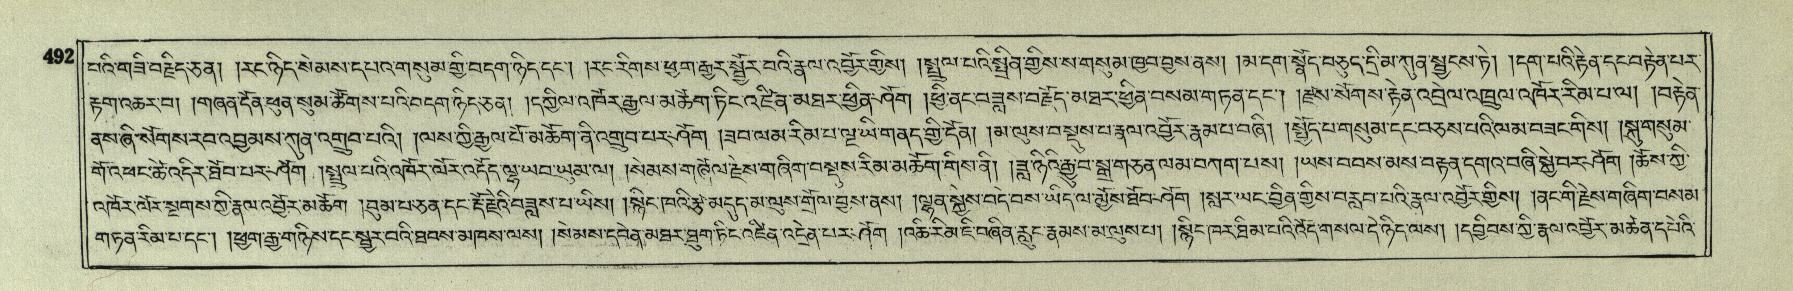པའི་གཟི་བརྗིད་ཅན། །རང་ཉིད་སེམས་དཔའ་གསུམ་གྱི་བདག་ཉིད་དང་། །རང་རིགས་ཕྱག་རྒྱར་སྦྱོར་བའི་རྣལ་འབྱོར་གྱིས། །སྤྲུལ་པའི་སྤྲིན་གྱིས་ས་གསུམ་ཁྱབ་བྱས་ནས། །མ་དག་སྣོད་བཅུད་དྲི་མ་ཀུན་སྦྱངས་ཏེ། །དག་པའི་རྟེན་དང་བརྟེན་པར་
རྟག་འཆར་བ། །གཞན་དོན་ཕུན་སུམ་ཚོགས་པའི་བདག་ཉིད་ཅན། །དཀྱིལ་འཁོར་རྒྱལ་མཆོག་ཏིང་འཛིན་མཐར་ཕྱིན་ཤོག །ཕྱི་ནང་བཟླས་བརྗོད་མཐར་ཕྱིན་བསམ་གཏན་དང་། །རྫས་སོགས་རྟེན་འབྲེལ་འཁྲུལ་འཁོར་རིམ་པ་ལ། །བརྟེན་
ནས་ཞི་སོགས་རབ་འབྱམས་ཀུན་འགྲུབ་པའི། །ལས་ཀྱི་རྒྱལ་པོ་མཆོག་ནི་འགྲུབ་པར་ཤོག །ཟབ་ལམ་རིམ་པ་ལྔ་ཡི་གནད་གྱི་དོན། །མ་ལུས་བསྡུས་པ་རྣལ་འབྱོར་རྣམ་པ་བཞི། །སྤྱོད་པ་གསུམ་དང་བཅས་པའི་ལམ་བཟང་གིས། །སྐུ་གསུམ་
གོ་འཕང་ཚེ་འདིར་ཐོབ་པར་ཤོག །སྤྲུལ་པའི་འཁོར་ལོར་འདོད་ལྷ་ཡབ་ཡུམ་ལ། །སེམས་གཞོལ་རྗེས་གཞིག་བསྡུས་རིམ་མཆོག་གིས་ནི། །ཟླ་ཉིའི་རྒྱུ་བ་སྒྲ་གཅན་ལམ་བཀག་པས། །ཡས་བབས་མས་བརྟན་དགའ་བཞི་སྐྱེ་བར་ཤོག །ཆོས་ཀྱི་
འཁོར་ལོར་སྔགས་ཀྱི་རྣལ་འབྱོར་མཆོག །བུམ་པ་ཅན་དང་རྡོ་རྗེའི་བཟླས་པ་ཡིས། །སྙིང་ཁའི་རྩ་མདུད་མ་ལུས་གྲོལ་བྱས་ནས། །ལྷན་སྐྱེས་བདེ་བས་ཡིད་ལ་མྱོས་ཐོབ་ཤོག །སླར་ཡང་བྱིན་གྱིས་བརླབ་པའི་རྣལ་འབྱོར་གྱིས། །ནང་གི་རྗེས་གཞིག་བསམ་
གཏན་རིམ་པ་དང་། །ཕྱག་རྒྱ་གཉིས་དང་སྦྱར་བའི་ཐབས་མཁས་ལས། །སེམས་དབེན་མཐར་ཐུག་ཏིང་འཛིན་འདྲེན་པར་ཤོག །འཆི་རིམ་ཇི་བཞིན་རླུང་རྣམས་མ་ལུས་པ། །ཉིང་ཁར་ཐིམ་པའི་འོད་གསལ་དེ་ཉིད་ལས། །དབྱིབས་ཀྱི་རྣལ་འབྱོར་མཚན་དཔེའི་